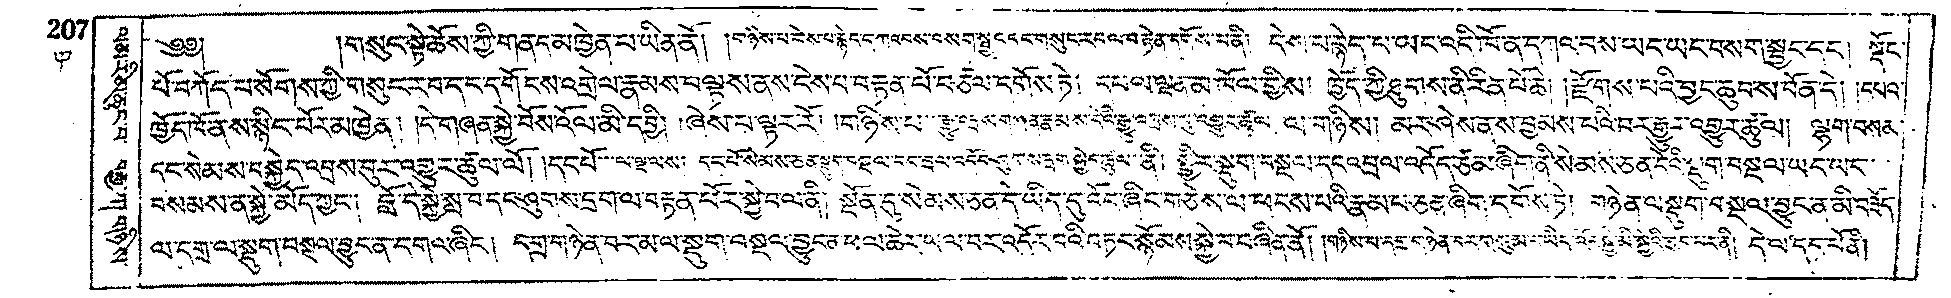༄༅། །གསུང་སྟེ་ཆོས་ཀྱི་གནད་མཁྱེན་པ་ཡིན་ནོ། །གཉིས་པ་ངེས་པ་རྙེད་དཀའ་བས་བསག་སྦྱང་དང་གསུང་རབ་ལ་བརྟེན་དགོས་པ་ནི།  ངེས་པ་རྙེད་པ་ཡང་འདི་ཁོ་ན་དཀའ་བས་ཡང་ཡང་བསག་སྦྱང་དང་། སྡོང་
པོ་བཀོད་པ་སོགས་ཀྱི་གསུང་རབ་དང་དགོངས་འགྲེལ་རྣམས་བལྟས་ནས་ངེས་པ་བརྟན་པོ་བཙལ་དགོས་ཏེ། དཔལ་ལྡན་མ་ཁོལ་གྱིས། ཁྱོད་ཀྱི་ཐུགས་ནི་རིན་པོ་ཆེ། །རྫོགས་པའི་བྱང་ཆུབ་ས་བོན་དེ། །དཔའ་
ཁྱོད་ཁོ་ནས་སྙིང་པོར་མཁྱེན། །དེ་གཞན་སྐྱེ་བོས་འོལ་མི་དབྱི། །ཞེས་པ་ལྟར་རོ། །གཉིས་པརྒྱུ་འབྲས་གཞན་རྣམས་དེའི་རྒྱུ་འབྲས་སུ་འགྱུར་ཚུལལ་གཉིས། མར་ཤེས་ནས་བྱམས་པའི་བར་རྒྱུར་འགྱུར་ཚུལ། ལྷག་བསམ་
དང་སེམས་བསྐྱེད་འབྲས་བུར་འགྱུར་ཚུལ་ལོ། །དང་པོལ་ལྔ་ལས། དང་པོ་སེམས་ཅན་སྡུག་བསྔལ་དང་བྲལ་འདོད་ཤུགས་དྲག་སྐྱེད་ཚུལནི། སྤྱིར་སྡུག་བསྔལ་དང་འབྲལ་འདོད་ཙམ་ཞིག་ནི་སེམས་ཅན་དེའི་སྡུག་བསྔལ་ཡང་ཡང་
བསམས་ན་སྐྱེ་མོད་ཀྱང་། བློ་དེ་སྐྱེ་སླ་བ་དང་ཤུགས་དྲག་ལ་བརྟན་པོར་སྐྱེ་བ་ལ་ནི། སྔོན་དུ་སེམས་ཅན་དེ་ཡིད་དུ་འོང་ཞིང་གཅེས་ལ་ཕངས་པའི་རྣམ་པ་ཅན་ཞིག་དགོས་ཏེ། གཉེན་ལ་སྡུག་བསྔལ་བྱུང་ན་མི་བཟོད་
ལ་དགྲ་ལ་སྡུག་བསྔལ་བྱུང་ན་དགའ་ཞིང་། དགྲ་གཉེན་བར་མ་ལ་སྡུག་བསྔལ་བྱུང་ན་ཕལ་ཆེར་ཡལ་བར་འདོར་བའི་བཏང་སྙོམས་སྐྱེ་བ་བཞིན་ནོ། །གཉིས་པ་དགྲ་གཉེན་བར་གསུམ་ལ་ཡིད་འོང་སྐྱེ་མི་སྐྱེའི་ཁྱད་པར་ནི། དེ་ལ་དང་པོ་ནི།